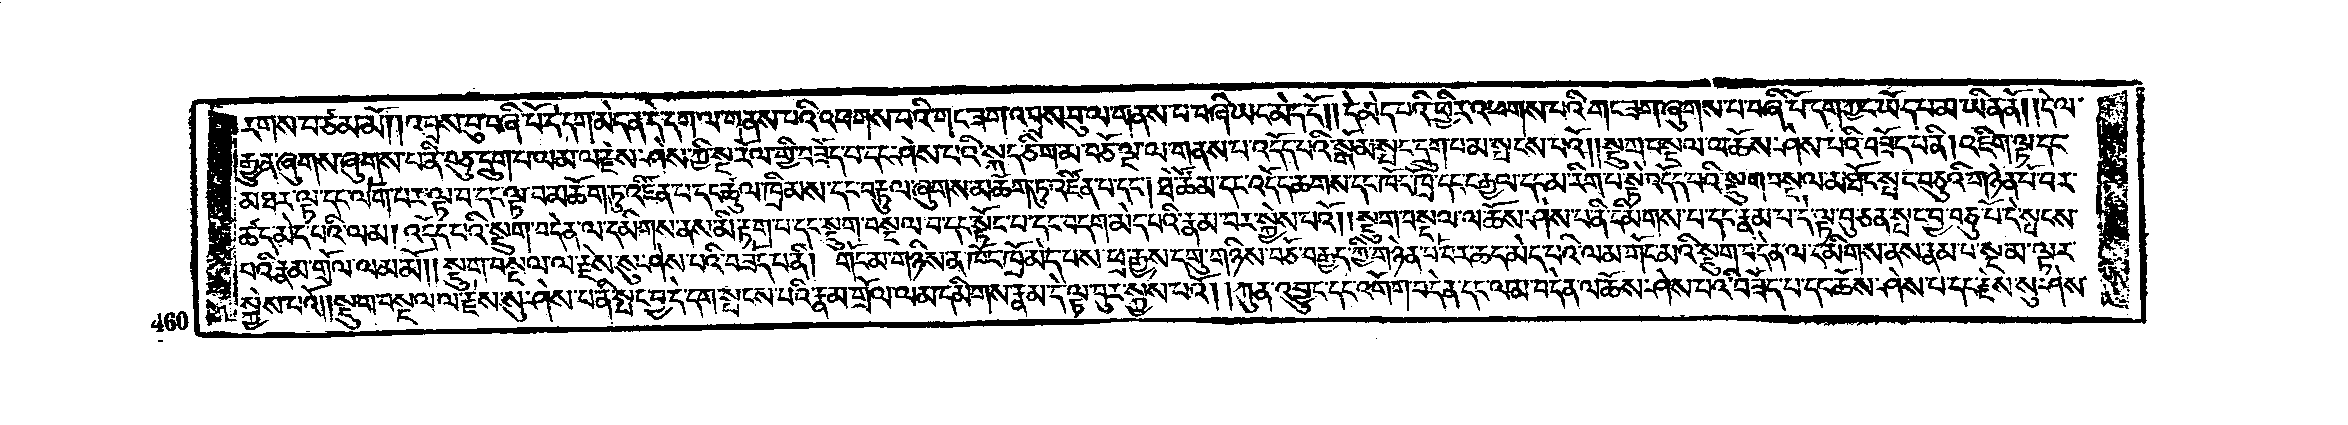རིགས་པ་ཙམ་མོ། །འབྲས་བུ་བཞི་པོ་དེ་དག་མེད་ན་དེ་དག་ལ་གནས་པའི་འཕགས་པའི་གང་ཟག་འབྲས་བུ་ལ་གནས་པ་བཞི་ཡང་མེད་དོ། །དེ་མེད་པའི་ཕྱིར་འཕགས་པའི་གང་ཟག་ཞུགས་པ་བཞི་པོ་དག་ཀྱང་ཡོད་པ་མ་ཡིན་ནོ། །དེ་ལ་
རྒྱུན་ཞུགས་ཞུགས་པ་ནི་བཅུ་དྲུག་པེ་ལམ་ལ་རྗེས་ཤེས་ཀྱི་སྔ་རོལ་གྱི་བཟོད་པ་དང་ཤེས་པའི་སྐད་ཅིག་མ་བཅོ་ལྔ་ལ་གནས་པ་འདོད་པའི་སྒོམ་སྤང་དྲུག་པ་མ་སྤངས་པའོ། །སྡུག་བསྔལ་ལ་ཆོས་ཤེས་པའི་བཟོད་པ་ནི། འཇིག་ལྟ་དང་
མངའ་ལྟ་དང་ལོག་པར་ལྟ་བ་དང་ལྟ་བ་མཆོག་ཏུ་འཛིན་པ་དང་ཚུལ་ཁྲིམས་དང་བརྟུལ་ཞུགས་མཆོག་ཏུ་འཛིན་པ་དང་། ཐེ་ཚོམ་དང་འདོད་ཆགས་དང་ཁོང་ཁྲོ་དང་རྒྱལ་དན་མ་རིག་པ་སྟེ་འདོད་པའི་སྡུག་བསྔལ་མཐོང་སྤང་བཅུའི་གཉེན་པོ་བར་
ཆད་མེད་པའི་ལམ། འདོད་པའི་སྡུག་བདེན་ལ་དམིགས་ནས་མི་རྟག་པ་དང་སྡུག་བསྔལ་བ་དང་སྟོང་པ་དག་བདག་མེད་པའི་རྣམ་པར་སྐྱེས་པའོ། །སྡུག་བསྔལ་ལ་ཆོས་ཤེས་པ་ནི་དམིགས་པ་དང་རྣམ་པ་དེ་ལྟ་བུ་ཅན་སྤང་བྱ་བཅུ་པོ་དེ་སྤངས་
པའི་རྣམ་གྲོལ་ལམ་མོ། །སྡུག་བསྔལ་ལ་རྗེས་སུ་ཤེས་པའི་བཟོད་པ་ནི། གོང་མ་གཉིས་ན་ཁོང་ཁྲོ་མེད་པས་ཕྲ་རྒྱས་དགུ་གཉིས་བཅོ་བརྒྱད་ཀྱི་གཉེན་པོ་བར་ཆད་མེད་པའི་ལམ་གོང་མའི་སྡུག་བདེན་ལ་དམིགས་ནས་རྣམ་པ་སྔ་མ་ལྟར་
སྐྱེས་པའོ། །སྡུག་བསྔལ་ལ་རྗེས་སུ་ཤེས་པ་ནི་སྤང་བྱ་དེ་དག་སྤངས་པའི་རྣམ་གྲོལ་ལམ་དམིགས་རྣམ་དེ་ལྟ་བུར་སྐྱེས་པའོ། །ཀུན་འབྱུང་དང་འགོག་བདེན་དང་ལམ་བདེན་ལ་ཆོས་ཤེས་པའི་བཟོད་པ་དང་ཆོས་ཤེས་པ་དང་རྗེས་སུ་ཤེས་